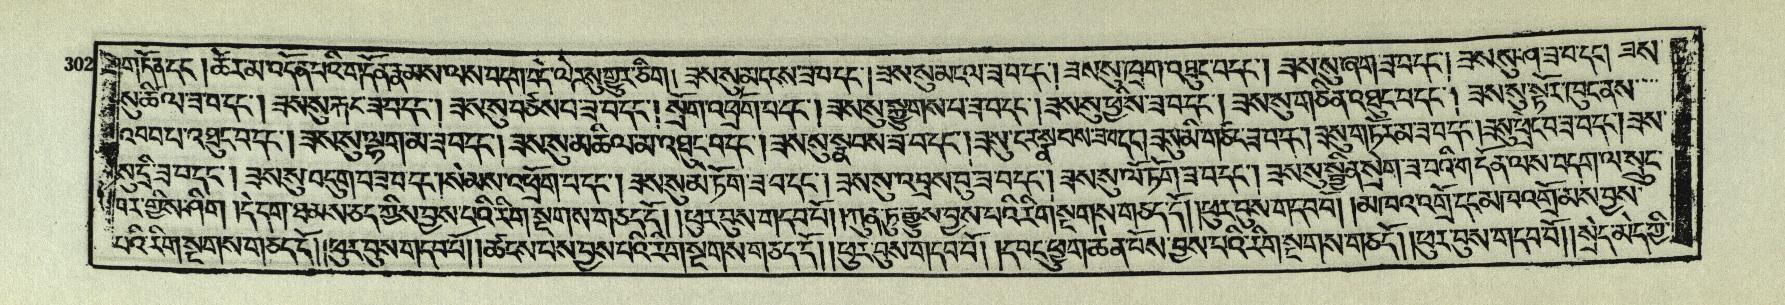གཏོན་དང་།ཚེར་མ་འདོན་པའི་གདོན་རྣམས་ལས་བདག་བདེ་ལེཌ་སུ་གྱུར་ཅིག །ཟས་སུ་མདངས་ཟ་བ་དང་།ཟས་སུ་མངལ་ཟ་བ་དང་།ཟས་སུ་ཁྲག་འཐུང་བ་དང་།ཟས་སུ་ཞག་ཟ་བ་དང་།ཟས་སུ་ཤ་ཟ་བ་དང་། ཟས་
སུ་ཚིལ་ཟ་བ་དང་།ཟས་སུ་རྐང་ཟབ་དང་།ཟས་སུ་བཙས་བ་ཟ་བ་དང་།སྲོག་འཕྲོག་པ་དང་།ཟས་སུ་སྐྱུགས་པ་ཟ་བ་དང་།ཟས་སུ་ཕྱིས་ཟ་བ་དང་།ཟས་སུ་གཅིན་འཐུང་བ་དང་།ཟས་སུ་སྟོར་ཁུང་ནས་
འབབ་པ་འཐུང་བ་དང་།ཟས་སུ་ལྷག་མ་ཟ་བ་དང་།ཟས་སུ་མཆིལ་མ་འཐུང་བ་དང་།ཟས་སུ་སྣབས་ཟ་བ་དང་།ཟསུ་ངར་སྣབས་ཟ་བ་དང་།ཟསུ་མི་གཙང་ཟ་བ་དང་།ཟསུ་གཏོར་མ་ཟ་བ་དང་།ཟསུ་ཕྲེང་བ་ཟ་བ་དང་།ཟས་
སུ་དྲི་ཟ་བ་དང་།ཟས་སུ་བདུག་བ་ཟ་བ་དང་།སེམས་འཕྲོག་པ་དང་།ཟས་སུ་མེ་ཏོག་ཟ་བ་དང་།ཟས་སུ་འབྲས་བུ་ཟ་བ་དང་། ཟས་སུ་ལོ་ཏོག་ཟ་བ་དང་།ཟས་སུ་སྦྱིན་སྲེག་ཟ་བའི་གདོན་ལས་བདག་ལ་སྲུང་
བར་གྱིས་ཤིག །དེ་དག་ཐམས་ཅད་ཀྱིས་བྱས་པའི་རིག་སྔགས་གཅད་དོ། །ཕུར་བུས་གདབ་པོ། །ཀུན་ཏུ་རྒྱུས་བྱས་པའི་རིག་སྔགས་གཅད་དོ། །ཕུར་བུས་གདབ་བོ། །མཁའ་འགྲོ་དང་མཁའགྲོ་མས་བྱས་
པའི་རིག་སྔགས་གཅད་དོ། །ཕུར་བུས་གདབ་པོ། །ཚངས་པས་བྱས་པའི་རིག་སྔགས་གཅད་དོ། །ཕུར་བུས་གདབ་པོ། །དབང་ཕྱུག་ཆེན་པོས་བྱས་པའི་རིག་སྔགས་གཅད་དོ། །ཕུར་བུས་གདབ་བོ། །སྲེད་མེད་ཀྱི་